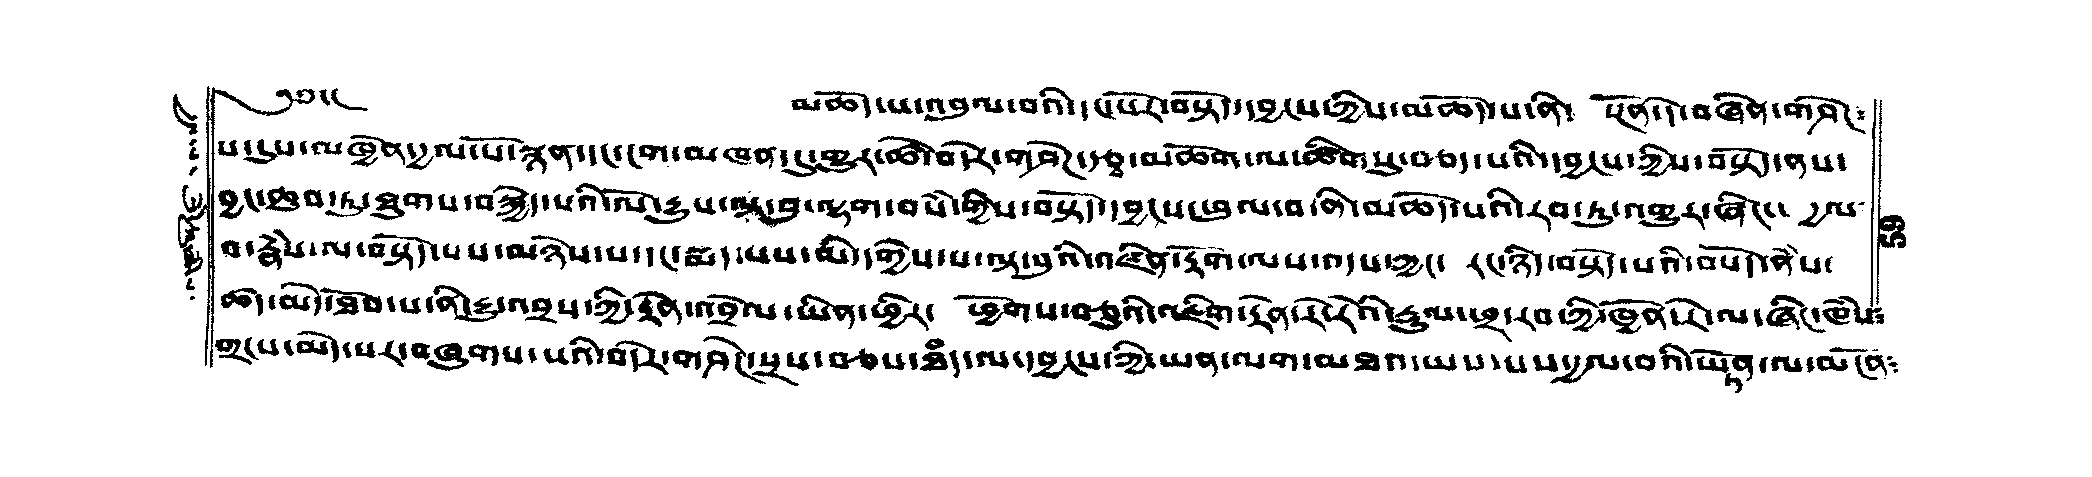མཆོད་པ་འབུལ་བའི་དང་པོར་བསྟོད་དབྱངས་ཀྱི་མཆོད་པ་ནི། སྔོན་དེ་བཞིན་གཤེགས་
པ་དུས་མཁྱེན་རྒྱལ་པོ་སྙན་དང་ངག་མཁན་དུ་གྱུར་ཚེ་བདེ་གཤེགས་རྩ་མཆོག་ལ་ཚིགས་སུ་བཅད་པའི་དབྱངས་ཀྱི་བསྟོད་ནས་
བྱང་ཆུབ་ཏུ་ཐུགས་བསྐྱེད་པའི་ལོ་རྒྱུས་ལྟ་བུ་ལྷག་བསམ་གྱིས་བསྟོད་དབྱངས་ཕུལ་བ་ནི་མཆོད་པའི་རབ་ཏུ་འགྱུར་ཞིང་། རྒྱལ་
བ་རྣམས་ལ་བསྟོད་པས་མཉེས་པ་དག་སྨད་པས་མི་དགྱེས་པ་ལྟ་བུའི་འཛིན་རྟོག་ལས་འདས་ཀྱང་། རང་ཉིད་བསྟོད་པའི་བསོད་ནམས་
ཚད་མེད་ཐོབ་པ་ནི་རྒྱུ་འབྲས་ཀྱི་རྟེན་འབྲེལ་ཡིན་ཕྱིར། ཕྱོགས་བཅུའི་འཇིག་རྟེན་རེ་རེའི་རྡུལ་ཕྲ་རབ་ཀྱི་ཁྱོན་རེ་ལ་ཞིང་ཁམས་
གྲངས་མེད་པར་བཞུགས་པའི་བདེ་གཤེགས་སྲས་བཅས་ཐམས་ཅད་ལ་དབྱངས་ཀྱི་ཡན་ལག་མཐའ་ཡས་པས་རྒྱལ་བའི་ཡོན་ཏན་ལ་མངོན་